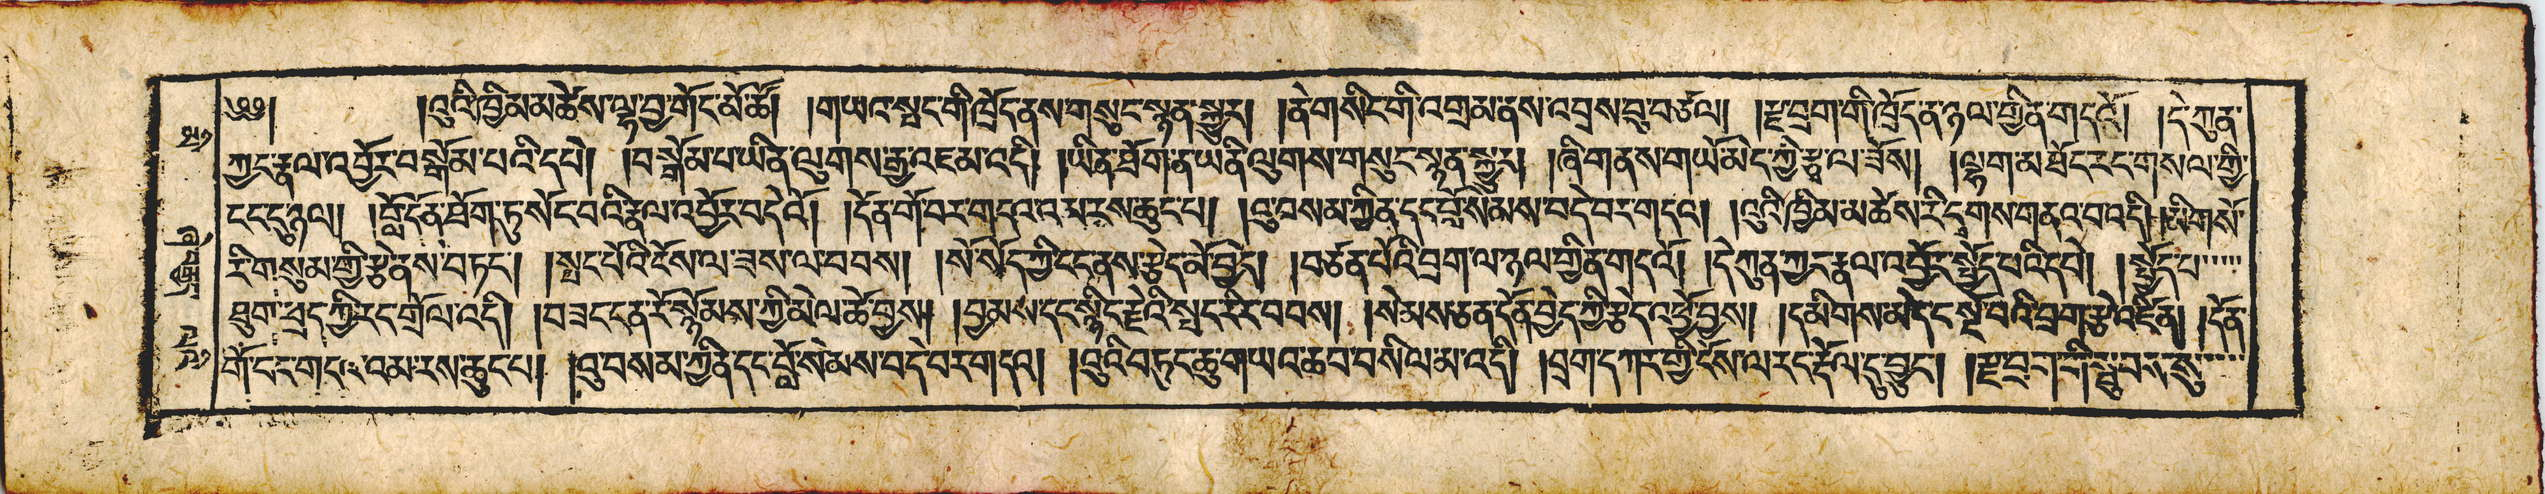འུའི་ཁྱིམ་མཚེས་ལྷ་བྱ་གོང་མོ་ཚོ། །གཡའ་སྤང་གི་ཁྲོད་ནས་གསུང་སྙན་སྐྱུར། །ནེ་གསིང་གི་འགྲམ་ནས་འབྲས་བུ་བཙལ། །རྫ་བྲག་གི་ཁྲོད་ན་ཉལ་གྱིན་གདའོ། །དེ་ཀུན་
ཀྱང་རྣལ་འབྱོར་བསྒོམ་པའི་དཔེ། །བསྒོམ་པ་ཡིན་ལུགས་རྒྱ་འཇམ་འདི། །ཡིན་ཐོག་ན་ཡིན་ལུགས་གསུང་སྙན་སྐྱུར། །ཞི་གནས་གཡོ་མེད་ཀྱི་རྩྭ་ལ་ཟོས། །ལྷག་མཐོང་རང་གསལ་གྱི་
ངང་དུ་ཉལ། །བློ་དོན་ཐོག་ཏུ་སོང་བའི་རྣལ་འབྱོར་བདེའོ། །དོན་གོ་བར་གདའ་འམ་རས་ཆུང་པ། །འུ་བསམ་ཀྱིན་དང་བློ་སེམས་བདེ་བར་གདང། །འུའི་ཁྱིམ་མཚེས་རི་དྭགས་གནའ་བ་འདི། །མི་གསོ་
རི་གསུམ་གྱི་རྩེ་ནས་བཏང་། །སྤྲང་པོའི་ངོས་ལ་ཟས་ལ་བབས། །སོ་སོད་ཀྱི་ངང་ནས་རྩེད་མོ་བྱེད། །བཙན་པོའི་བྲག་ལ་ཉལ་གྱིན་གདའོ། །དེ་ཀུན་ཀྱང་རྣལ་འབྱོར་སྤྱོད་པའི་པ། །སྤྱོད་པ་
ཐུག་ཕྲད་ཀྱི་རང་གྲོལ་འདི། །བཟང་ངན་རོ་སྙོམས་ཀྱི་མེལ་ཚེ་བྱས། །བྱམས་དང་སྙིང་རྗེའི་སྤང་རིར་བབས། །སེམས་ཅན་དོན་བྱེད་ཀྱི་རྩེད་འཕྱོ་བྱས། །དམིགས་མེད་བསྔོ་བའི་བྲག་རྩ་འཛིན། །དོན་
གོ་བར་གདའ་འམ་རས་ཆུང་པ། །བུ་བསམ་ཀྱིན་དང་བློ་སེམས་བདེ་བར་གདའ། །འུའི་བཏུང་ཆུ་གཡང་ཆབ་བསིལ་མ་འདི། །བྲག་དཀར་གྱི་ངོས་ལ་རང་རྡོལ་དུ་བྱུང་། །རྫ་བྲག་གི་སྦུབས་སུ་